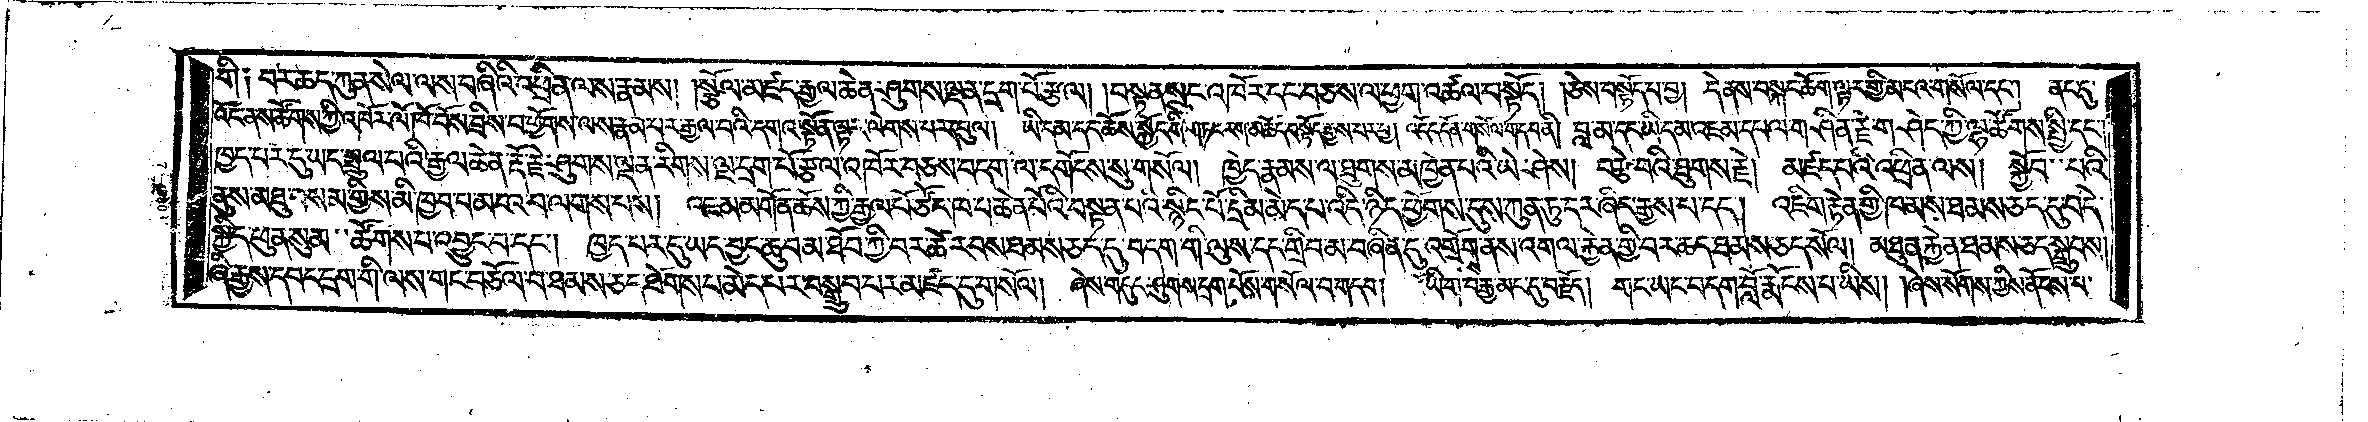གི༑ བར་ཆད་ཀུན་སེལ་ལས་བཞིའི་འཕྲིན་ལས་རྣམས། །སྩོལ་མཛད་རྒྱལ་ཆེན་ཤུགས་ལྡན་དྲག་པོ་རྩལ། །བསྟན་སྲུང་འཁོར་དང་བཅས་ལ་ཕྱག་འཚལ་བསྟོད། །ཅེས་བསྟོད་པ་བྱ། དེ་ནས་བསྐང་ཆོག་ལྟར་གྱི་མངའ་གསོལ་དང་། ནང་དུ་
འོང་ནས་ཚོགས་ཀྱི་འཁོར་ལོ་ཁོ་བོས་བྲིས་པ་ཕྱོགས་ལས་རྣམ་པར་རྒྱལ་བའི་དགའ་སྟོན་ལྟར་ལེགས་པར་དབུལ། ཡི་དམ་དང་ཆོས་སྐྱོང་གི་གཏང་རག་མཆོད་བསྟོད་རྒྱས་པར་བྱ། འདོད་དོན་གསོལ་གདབ་ནི། བླ་མ་དང་ཡི་དམ་འཇམ་དཔལ་གཤིན་རྗེ་གཤེད་ཀྱི་ལྷ་ཚོགས་སྤྱི་དང་
ཁྱད་པར་དུ་ཡང་སྤྲུལ་པའི་རྒྱལ་ཆེན་རྡོ་རྗེ་ཤུགས་ལྡན་རིགས་ལྔ་དྲག་པོ་རྩལ་འཁོར་བཅས་བདག་ལ་དགོངས་སུ་གསོལ། ཁྱེད་རྣམས་ལ་ཐུགས་མཁྱེན་པའི་ཡེ་ཤེས། བརྩེ་བའི་ཐུགས་རྗེ། མཛད་པའི་འཕྲིན་ལས། སྐྱོབ་པའི་
ནུས་མཐུ་བསམ་གྱིས་མི་ཁྱབ་པ་མངའ་བ་ལགས་པས། འཇམ་མགོན་ཆོས་ཀྱི་རྒྱལ་པོ་ཙོང་ཁ་པ་ཆེན་པོའི་བསྟན་པའི་སྙིང་པོ་དྲི་མ་མེད་པ་འདི་ཉིད་ཕྱོགས་དུས་ཀུན་ཏུ་དར་ཞིང་རྒྱས་པ་དང་། འཇིག་རྟེན་གྱི་ཁམས་ཐམས་ཅད་དུ་བདེ་
སྐྱིད་ཕུན་སུམ་ཚོགས་པ་འབྱུང་བ་དང་། ཁྱད་པར་དུ་ཡང་བྱང་ཆུབ་མ་ཐོབ་ཀྱི་བར་ཚེ་རབས་ཐམས་ཅད་དུ་བདག་གི་ལུས་དང་གྲིབ་མ་བཞིན་དུ་འགྲོགས་ནས་འགལ་རྐྱེན་གྱི་བར་ཆད་ཐམས་ཅད་སོལ། མཐུན་རྐྱེན་ཐམས་ཅད་སྒྲུབས།
འདི་རྒྱས་དབང་དྲག་གི་ལས་གང་བཅོལ་བ་ཐམས་ཅད་ཐོགས་པ་མེད་པར་བསྒྲུབ་པར་མཛད་དུ་གསོལ། ཞེས་གདུང་ཤུགས་དྲག་པོས་གསོལ་བ་གདབ། ཡིག་བརྒྱ་མང་དུ་བརྗོད།  གང་ཡང་བདག་བློ་རྨོངས་པ་ཡིས། །ཞེས་སོགས་ཀྱིས་ནོངས་པ་